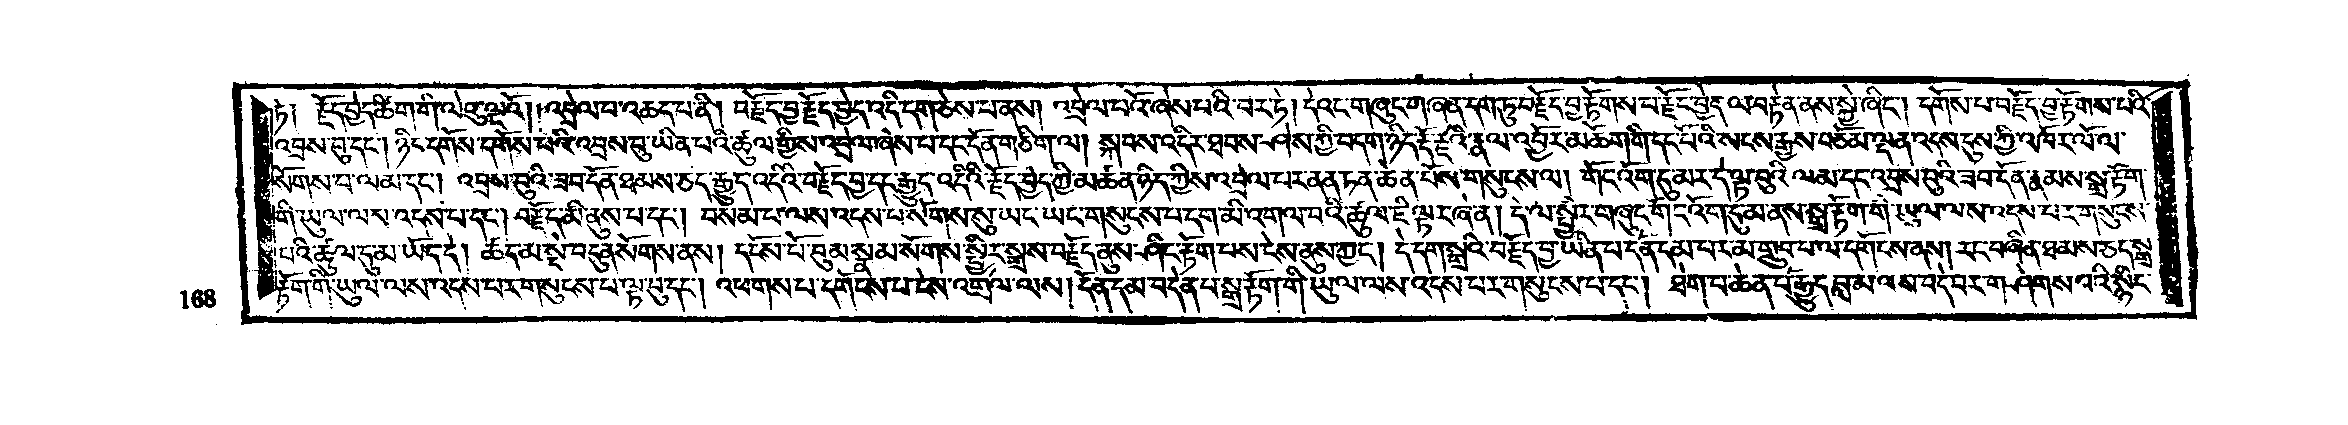ཏེ། རྗོད་བྱེད་ཚིག་གི་ལེའུ་ལྔའོ། །འབྲེལ་པ་འཆད་པ་ནི། བརྗོད་བྱ་རྗོད་བྱེད་འདི་དག་ཅེས་པ་ནས། འབྲེལ་པའོ་ཞེས་པའི་བར་ཏེ། དེའང་གཞུང་གཞན་དག་ཏུ་བརྗོད་བྱ་རྟོགས་པ་རྗོད་བྱེད་ལ་བརྟེན་ནས་སྐྱེ་ཞིང་། དགོས་པ་བརྗོད་བྱ་རྟོགས་པའི་
འབྲས་བུ་དང་། ཉིད་དགོས་དགོས་པའི་འབྲས་བུ་ཡིན་པའི་ཚུལ་གྱིས་འབྲེལ་ཞེས་པ་དང་དོན་གཅིག་ལ། སྐབས་འདིར་ཐབས་ཤེས་ཀྱི་བདག་ཉིད་རྡོ་རྗེའི་རྣལ་འབྱོར་མཆོག་གི་དང་པོའི་སངས་རྒྱས་བཅོམ་ལྡན་འདས་དུས་ཀྱི་འཁོར་ལོ་ལ་
སོགས་པ་ལམ་དང་། འབྲས་བུའི་ཟབ་དོན་ཐམས་ཅད་རྒྱུད་འདིའི་བརྗོད་བྱ་དང་རྒྱུད་འདིའི་རྗོད་བྱེད་ཀྱི་མཚན་ཉིད་ཀྱིས་འབྲེལ་པར་ནན་ཏན་ཆེན་པོས་གསུངས་ལ། གོང་འོག་དུ་མར་དེ་ལྟ་བུའི་ལམ་དང་འབྲས་བུའི་ཟབ་དོན་རྣམས་སྒྲ་རྟོག་
གི་ཡུལ་ལས་འདས་པ་དང་། བརྗོད་མི་ནུས་པ་དང་། བསམ་པ་ལས་འདས་པ་སོགས་སུ་ཡང་ཡང་གསུངས་པ་དག་མི་འགལ་བའི་ཚུལ་ཇི་ལྟར་ཞེ་ན། དེ་ལ་སྤྱིར་གཞུང་གོང་འོག་དུ་མ་ནས་སྒྲ་རྟོག་གི་ཡུལ་ལས་འདས་པར་གསུངས་
པའི་ཚུལ་དུ་མ་ཡོད་དེ། ཚད་མ་སྡེ་བདུན་སོགས་ནས། དངོས་པོ་བུམ་སྣམ་སོགས་སྤྱིར་སྒྲས་བརྗོད་ནུས་ཤིང་རྟོག་པས་ངེས་ནུས་ཀྱང་། དེ་དག་སྒྲའི་བརྗོད་བྱ་ཡིན་པ་དོན་དམ་པར་མ་གྲུབ་པ་ལ་དགོངས་ནས། རང་བཞིན་ཐམས་ཅད་སྒྲ་
རྟོག་གི་ཡུལ་ལས་འདས་པར་གསུངས་པ་ལྟ་བུ་དང་། འཕགས་པ་དགོངས་པ་ངེས་འགྲེལ་ལས། དོན་དམ་བདེན་པ་སྒྲ་རྟོག་གི་ཡུལ་ལས་འདས་པར་གསུངས་པ་དང་། ཐེག་པ་ཆེན་པོ་རྒྱུད་བླ་མ་ལས་བདེ་བར་གཤེགས་པའི་སྙིང་